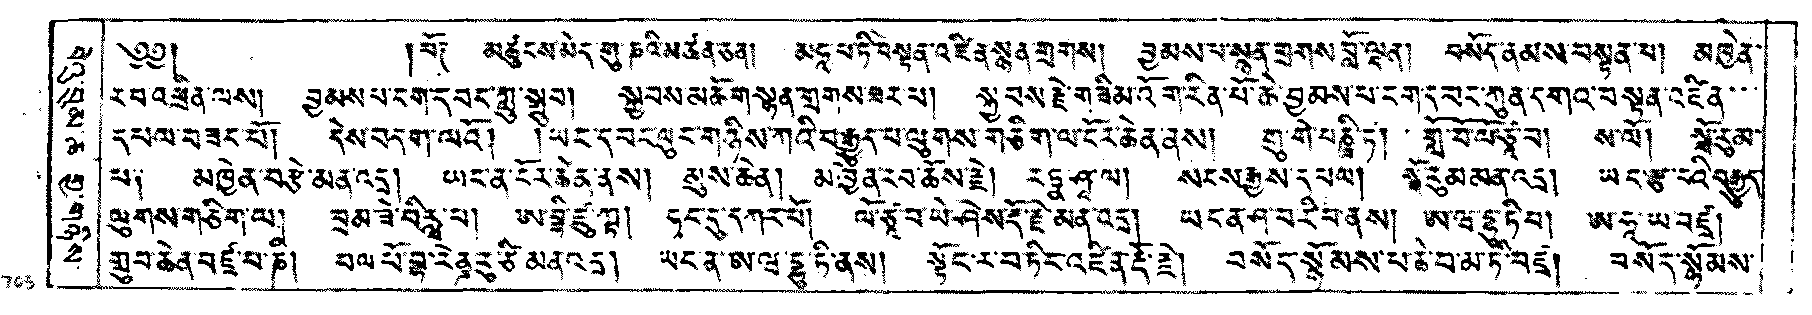༄༅། །པོ༑ མཚུངས་མེད་གུ་ཎའི་མཚན་ཅན། མཧཱ་པ་ཏི་བསྟན་འཛིན་སྙན་གྲགས། བྱམས་པ་སྙན་གྲགས་བློ་ལྡན། བསོད་ནམས་བསྟན་པ། མཁྱེན་
རབ་འཕྲིན་ལས། བྱམས་པ་ངག་དབང་ཀླུ་སྒྲུབ། སྐྱབས་མཆོག་སྙན་གྲགས་ཐར་པ། སྐྱབས་རྗེ་གཟིམ་འོག་རིན་པོ་ཆེ་བྱམས་པ་ངག་དབང་ཀུན་དགའ་བསྟན་འཛིན་
དཔལ་བཟང་པོ། དེས་བདག་ལའོ། །ཡང་དབང་ལུང་གཉིས་ཀའི་བརྒྱུད་པ་ལུགས་གཅིག་ལ་ངོར་ཆེན་ནས། གུ་གེ་པཎྜི་ཏ། གློ་བོ་ལོ་ཙཱ་བ། ས་ལོ། སྒོ་རུམ་
པ། མཁྱེན་བརྩེ་མན་འདྲ། ཡང་ན་ངོར་ཆེན་ནས། མུས་ཆེན། མཁྱེན་རབ་ཆོས་རྗེ། རཏྣ་ཤཱ་ལ། སངས་རྒྱས་དཔལ། སྒོ་རུམ་མན་འདྲ། ཡང་རྩ་བའི་བརྒྱུད་
ལུགས་གཅིག་ལ། བྲམ་ཟེ་བིརྭ་པ། ཨ་བྷི་ཛུ་ཀྟ། ཧང་དུ་དཀར་པོ། ལོ་ཙཱ་བ་ཡེ་ཤེས་རྡོ་རྗེ་མན་འདྲ། ཡང་ན་ཤ་བ་རི་པ་ནས། ཨ་ཝ་དྷུ་ཏི་པ། ཨ་ཧཱ་ཡ་བཛྲ།
གྲུབ་ཆེན་བཛྲ་པ་ཎི། བལ་པོ་བྷ་རེནྜ་རུ་ཙི་མན་འདྲ། ཡང་ན་ཨ་ཝ་དྷུ་ཏི་ནས། སྟོང་ར་བ་ཏིང་འཛིན་རྡོ་རྗེ། བསོད་སྙོམས་པ་ཆེ་བ་མ་ཏི་བཛྲ། བསོད་སྙོམས་